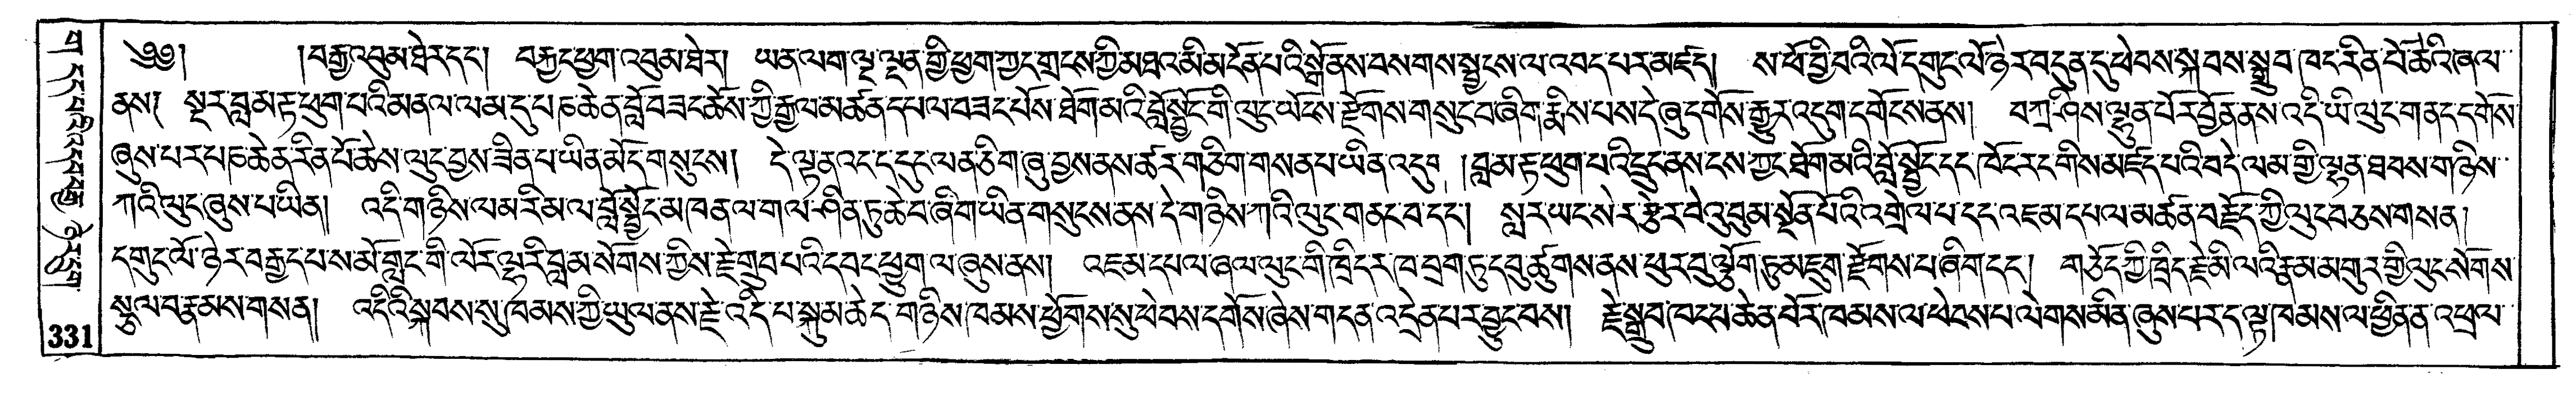༄༅། །བརྒྱ་འབུམ་ཐེར་དང་། བརྐྱང་ཕྱག་འབུམ་ཐེར། ཡན་ལག་ལྔ་ལྡན་གྱི་ཕྱག་ཀྱང་གྲངས་ཀྱི་མཐའ་མི་མངོན་པའི་སྒོ་ནས་བསགས་སྦྱངས་ལ་འབད་པར་མཛད། ས་ཕོ་བྱི་བའི་ལོ་དགུང་ལོ་ཉེར་བདུན་དུ་ཕེབས་སྐབས་སྒྲུབ་ཁང་རིན་པོ་ཆེའི་ཞལ་
ནས། སྔར་བླ་མ་རྟ་ཕུག་པའི་མནལ་ལམ་དུ་པཎ་ཆེན་བློ་བཟང་ཆོས་ཀྱི་རྒྱལ་མཚན་དཔལ་བཟང་པོས་ཐོག་མའི་བློ་སྦྱོང་གི་ལུང་ཡོངས་རྫོགས་གསུང་བ་ཞིག་རྨིས་པས་དེ་ཞུ་དགོས་རྒྱུར་འདུག་དགོངས་ནས། བཀྲ་ཤིས་ལྷུན་པོར་བྱོན་ནས་འདི་ཡི་ལུང་གནང་དགོས་
ཞུས་པར་པཎ་ཆེན་རིན་པོ་ཆེས་ལུང་བྱས་ཟིན་པ་ཡིན་མོད་གསུངས། དེ་ལྟ་ནའང་ད་དུང་ལན་ཅིག་ཞུ་བྱས་ནས་ཚར་གཅིག་གསན་པ་ཡིན་འདུག །བླ་མ་རྟ་ཕུག་པའི་དྲུང་ནས་ངས་ཀྱང་ཐོག་མའི་བློ་སྦྱོང་དང་ཁོང་རང་གིས་མཛད་པའི་བདེ་ལམ་གྱི་ལྷན་ཐབས་གཉིས་
ཀའི་ལུང་ཞུས་པ་ཡིན། འདི་གཉིས་ལམ་རིམ་ལ་བློ་སྦྱོང་མཁན་ལ་གལ་ཤིན་ཏུ་ཆེ་བ་ཞིག་ཡིན་གསུངས་ནས་དེ་གཉིས་ཀའི་ལུང་གནང་བ་དང་། སླར་ཡང་སེ་ར་རྩེར་བེའུ་བུམ་སྔོན་པོའི་འགྲེལ་པ་དང་འཇམ་དཔལ་མཚན་བརྗོད་ཀྱི་ལུང་བཅས་གསན།
དགུང་ལོ་ཉེར་བརྒྱད་པས་མོ་གླང་གི་ལོར་ལྷ་རི་བླ་མ་སོགས་ཀྱིས་རྗེ་གྲུབ་པའི་དབང་ཕྱུག་ལ་ཞུས་ནས། འཇམ་དཔལ་ཞལ་ལུང་གི་ཁྲིད་ར་ཁ་བྲག་ཏུ་དབུ་ཚུགས་ནས་ཕུར་བུ་ལྕོག་ཏུ་མཇུག་རྫོགས་པ་ཞིག་དང་། གཅོད་ཀྱི་ཁྲིད་རྗེ་མི་ལའི་རྣམ་མགུར་གྱི་ལུང་སོགས་
སྩལ་བ་རྣམས་གསན། འདིའི་སྐབས་སུ་ཁམས་ཀྱི་ཡུལ་ནས་རྗེ་འདི་པ་སྐུ་མཆེད་གཉིས་ཁམས་ཕྱོགས་སུ་ཕེབས་དགོས་ཞེས་གདན་འདྲེན་པར་བྱུང་བས། རྗེ་སྒྲུབ་ཁང་པ་ཆེན་པོར་ཁམས་ལ་ཕེབས་པ་ལེགས་མིན་ཞུས་པར་ད་ལྟ་ཁམས་ལ་ཕྱིན་ན་འཕྲལ་